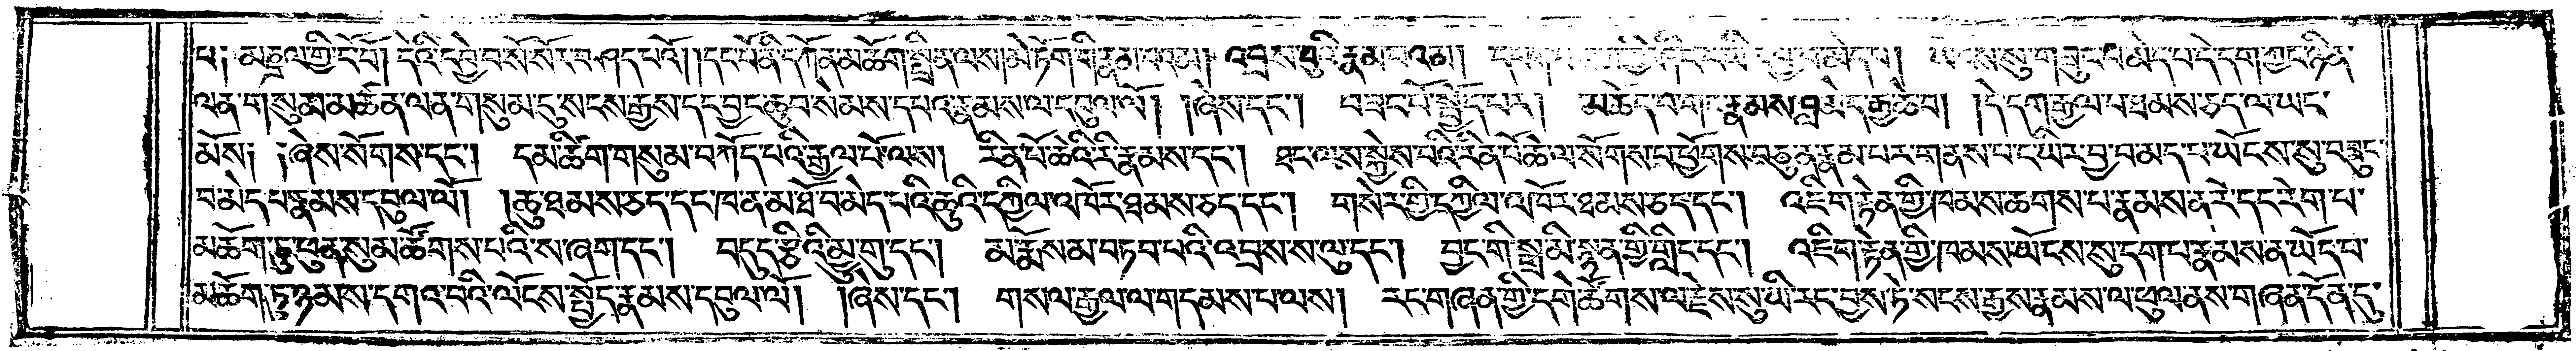པ། མཎྜལ་གྱི་ངོ་བོ། དེའི་དབྱེ་བ་སོ་སོར་བཤད་པའོ། །དང་པོ་ནི་དཀོན་མཆོག་སྤྲིན་ལས། མེ་ཏོག་གི་རྣམ་པའམ། འབྲས་བུའི་རྣམ་པའམ། དཔག་བསམ་གྱི་ཤིང་ང་ཡིར་བྱ་བ་མེད་པ། ཡོངས་སུ་གཟུང་བ་མེད་པ་དེ་དག་ཀྱང་ཉིན་
ལན་གསུམ་མཚན་ལན་གསུམ་དུ་སངས་རྒྱས་དང་བྱང་ཆུབ་སེམས་དཔའ་རྣམས་ལ་དབུལ་ལོ། །ཞེས་དང་། བཟང་པོ་སྤྱོད་པར། མཆོད་པ་གང་རྣམས་བླ་མེད་རྒྱ་ཆེ་བ། །དེ་དག་རྒྱལ་པ་ཐམས་ཅད་ལ་ཡང་
མོས༑ ༑ཞེས་སོགས་དང་། དམ་ཚིག་གསུམ་བཀོད་པའི་རྒྱལ་པོ་ལས། རིན་པོ་ཆེའི་རི་རྣམས་དང་། ཐང་ལས་སྐྱེས་པའི་རིན་པོ་ཆེ་ལ་སོགས་པ་ཕྱོགས་བཅུ་ན་རྣམ་པར་གནས་པ་ང་ཡིར་བྱ་བ་མད་པ་ཡོངས་སུ་བཟུང་
བ་མེད་པ་རྣམས་དབུལ་ལོ། །ཆུ་ཐམས་ཅད་དང་ཁ་ན་མ་ཐོ་བ་མེད་པའི་ཆུའི་དཀྱིལ་འཁོར་ཐམས་ཅད་དང་། གསེར་གྱི་དཀྱིལ་འཁོར་ཐམས་ཅད་དང་། འཇིག་རྟེན་གྱི་ཁམས་ཆགས་པ་རྣམས་ན་རེ་དང་རེག་པ་
མཆོག་ཏུ་ཕུན་སུམ་ཚོགས་པའི་ས་ཞག་དང་། བདུད་རྩིའི་མྱུ་གུ་དང་། མ་རྨོས་མ་བཏབ་པའི་འབྲས་ས་ལུ་དང་། བྱང་གི་སྒྲ་མི་སྙན་གྱི་གླིང་དང་། འཇིག་རྟེན་གྱི་ཁམས་ཡོངས་སུ་དག་པ་རྣམས་ན་ཡོད་པ་
མཆོག་ཏུ་ཉམས་དགའ་བའི་ལོངས་སྤྱོད་རྣམས་དབུལ་ལོ། །ཞེས་དང་། གསལ་རྒྱལ་ལ་གདམས་པ་ལས། རང་གཞན་གྱི་དགེ་ཚོགས་ལ་རྗེས་སུ་ཡི་རང་བྱས་ཏེ་སངས་རྒྱས་རྣམས་ལ་ཕུལ་ནས་གཞན་དོན་དུ་